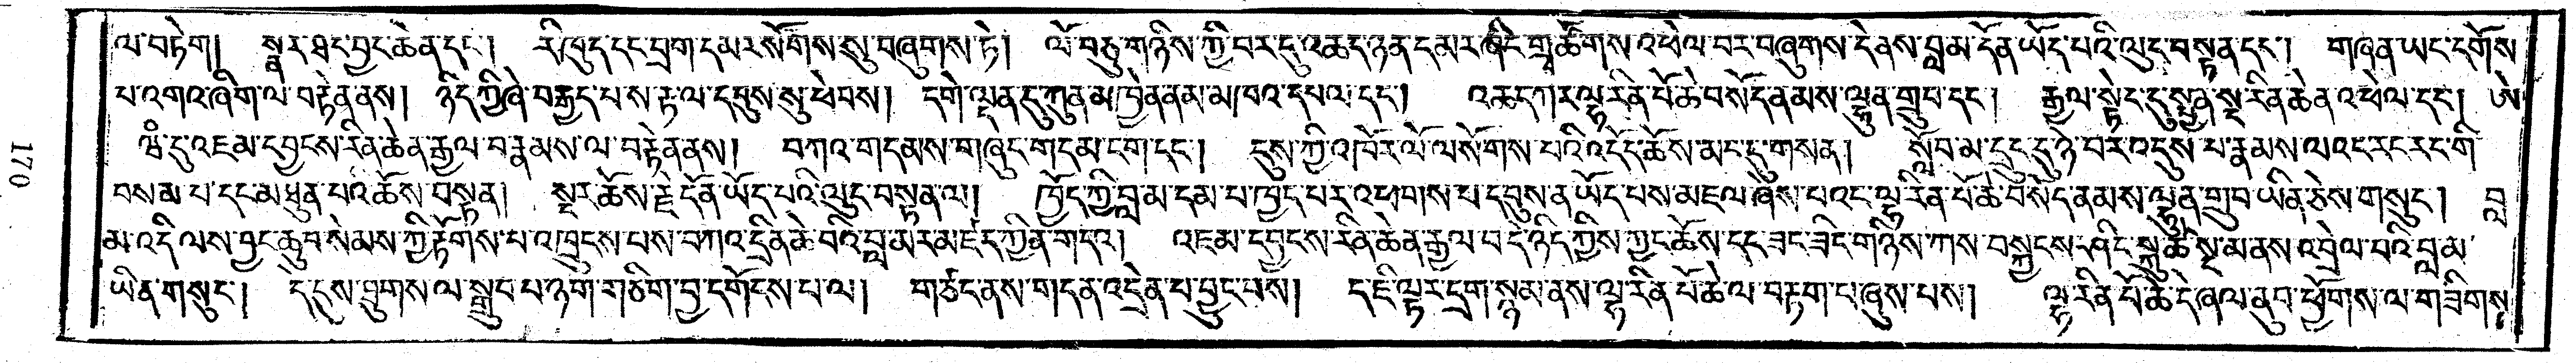ལ་བཏེག། སྣར་ཐང་བྱང་ཆེན་དང་། རི་ཁུད་དང་བྲག་དམར་སོགས་སུ་བཞུགས་ཏེ། ལོ་བཅུ་གཉིས་ཀྱི་བར་དུ་འཆད་ཉན་དམར་ཞིང་གྲྭ་ཚོགས་འཕེལ་བར་བཞུགས་དེ་ནས་བླ་མ་དོན་ཡོད་པའི་ལུང་བསྟན་དང་། གཞན་ཡང་དགོས་
པ་འགའ་ཞིག་ལ་བརྟེན་ནས། ཉིད་ཀྱི་ཞེ་བརྒྱད་པས་རྟ་ལ་དབུས་སུ་ཕེབས། དགེ་ལྡན་དུ་ཀུན་མཁྱེན་ནམ་མཁའ་དཔལ་དང་། འཆད་ཀར་ལྷ་རིན་པོ་ཆེ་བསོད་ནམས་ལྷུན་གྲུབ་དང་། རྒྱལ་སྟེང་དུ་སྤྱན་སྔ་རིན་ཆེན་འཕེལ་དང་། ཨེ་
ཝཾ་དུ་འཇམ་དབྱངས་རིན་ཆེན་རྒྱལ་བ་རྣམས་ལ་བརྟེན་ནས། བཀའ་གདམས་གཞུང་གདམ་ངག་དང་། དུས་ཀྱི་འཁོར་ལོ་ལ་སོགས་པའི་འདོད་ཆོས་མང་དུ་གསན། སློབ་མ་དྲུང་དུ་ཉེ་བར་འདུས་པ་རྣམས་ལའང་རང་རང་གི་
བསམ་པ་དང་མཐུན་པའི་ཆོས་བསྟན། སྔར་ཆོས་རྗེ་དོན་ཡོད་པའི་ལུང་བསྟན་ལ། ཁྱོད་ཀྱི་བླ་མ་དམ་པ་ཁྱད་པར་འཕགས་པ་དབུས་ན་ཡོད་པས་མཇལ་ཞེས་པའང་ལྷ་རིན་པོ་ཆེ་བསོད་ནམས་ལྷུན་གྲུབ་ཡིན་ཅེས་གསུང་། བླ་
མ་འདི་ལས་བྱང་ཆུབ་སེམས་ཀྱི་རྟོགས་པ་འཁྲུངས་པས་བཀའ་དྲིན་ཆེ་བའི་བླ་མར་མཛད་ཀྱིན་གདའ། འཇམ་དབྱངས་རིན་ཆེན་རྒྱལ་བ་དེ་ཉིད་ཀྱིས་ཀྱང་ཆོས་དང་ཟང་ཟིང་གཉིས་ཀས་བསྐྱངས་ཤིང་སྐུ་ཚེ་སྔ་མ་ནས་འབྲེལ་བའི་བླ་མ་
ཡིན་གསུང་། དེ་དུས་ཐུགས་ལ་སྒྲུབ་པ་ཉག་གཅིག་བྱ་དགོངས་པ་ལ། གཙང་ནས་གདན་འདྲེན་པ་བྱུང་བས། ད་ཇི་ལྟར་དྲག་སྙམ་ནས་ལྷ་རིན་པོ་ཆེ་ལ་བརྟག་པ་ཞུས་པས། ལྷ་རིན་པོ་ཆེ་དེ་ཞལ་ནུབ་ཕྱོགས་ལ་གཟིགས་